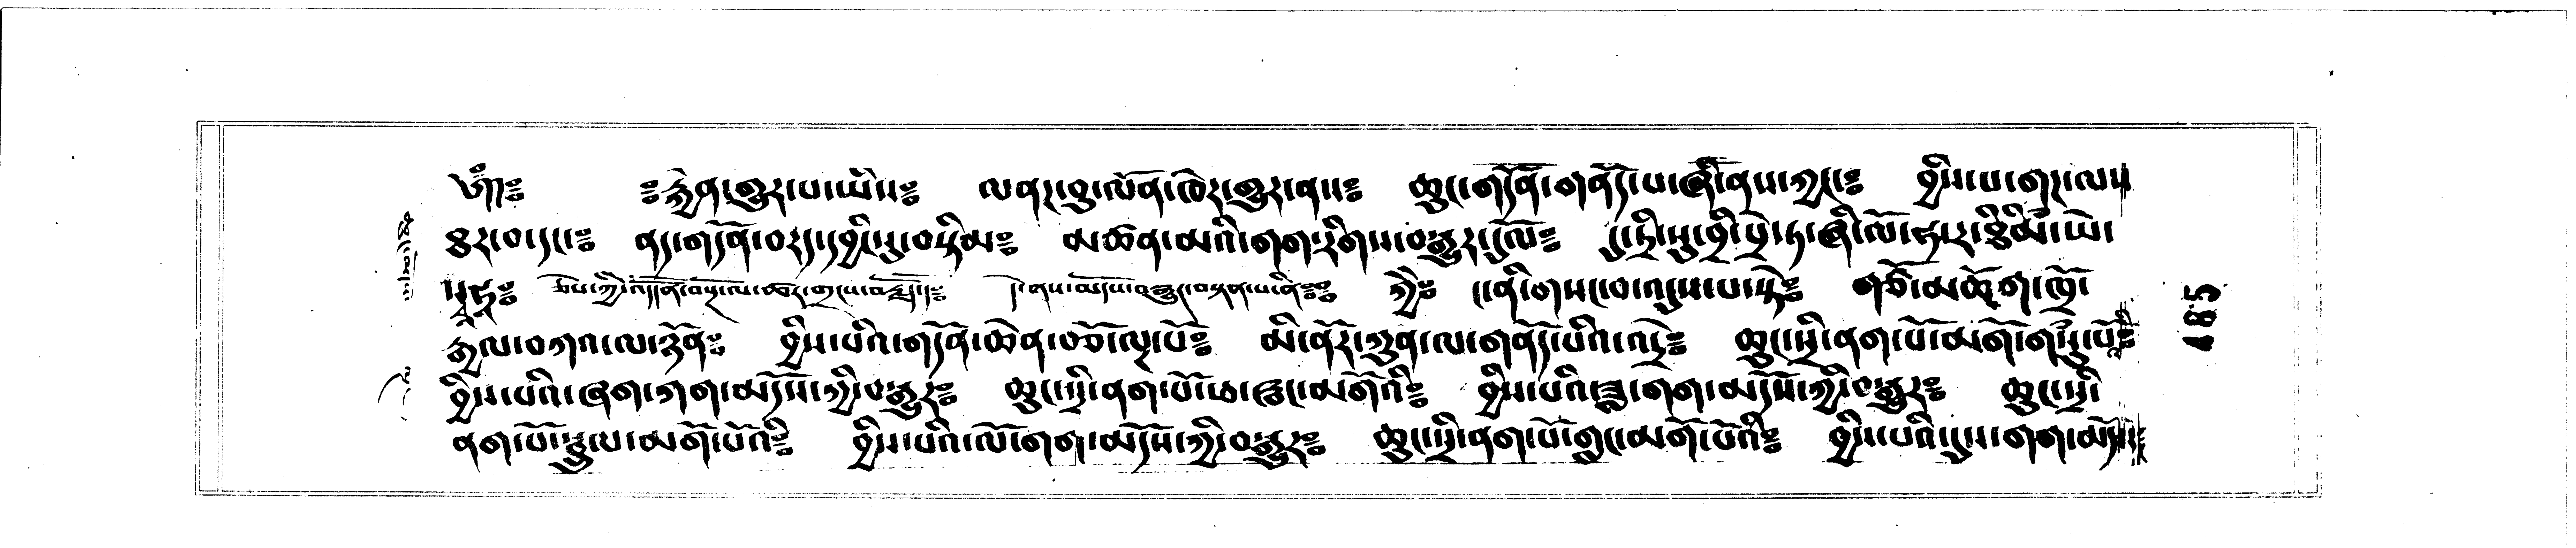༔རྐྱེན་གྱུར་པ་ཡིས༔ ལན་ཆགས་བུ་ལོན་ཁེར་གྱུར་ནས༔ཆུང་གདོན་གནོད་པ་ཞི་ནས་ཀྱང་༔བྱིས་པ་གགས་ལས་
ཐར་པ་དང་༔ནད་གདོན་བར་ཆད་དབྱིངས་སུ་བསྟིམ༔ མཚན་མའི་གག་རིགས་བསྒྱུར་དུ་གསོལ༔ དུ་ཏྲི་སུ་བྲི་པྲེ་ཏ་ཞི་ལོ་ཧ་ར་ཐིམ་ཐིམ་ཡེ་
སྭཧཱ༔ཅེས་ཀྱི་འདོད་ཡོན་བསྔོ་ལ་ཚར་གྲངས་བརྗོད་དོ༔དེ་ནས་མདོས་བསྒྱུར་བསྟན་པ་ནི༔༔ཀྱཻ༔ ང་ནི་གསང་བ་འདུས་པ་སྟེ༔ གཙོ་མཆོག་ཁྲོ་
རྒྱལ་བཀའ་ལ་ཉོན༔བྱིས་པའི་གདོན་ཆེན་བཅོ་ལྔ་པོ༔མི་ནོར་ཀུན་ལ་གནོད་པའི་འདྲེ༔ཆུང་སྲི་ནག་པོ་མགོ་གསུམ་པོ༔
བྱིས་པའི་ཞག་གག་མདོས་ཀྱིས་བསྒྱུར༔ཆུང་སྲི་ནག་པོ་ཕ་ཝང་མགོའི༔བྱིས་པའི་ཟླ་གག་མདོས་ཀྱི་བསྒྱུར༔ཆུང་སྲི་
ནག་པོ་སྦྲུལ་མགོ་པོའི༔བྱིས་པའི་ལོ་གག་མདོས་ཀྱི་བསྒྱུར༔ཆུང་སྲི་ནག་པོ་གླང་མགོ་པོའི༔བྱིས་པའི་དུས་གག་མདོས་ཀྱི་བསྒྱུར༔